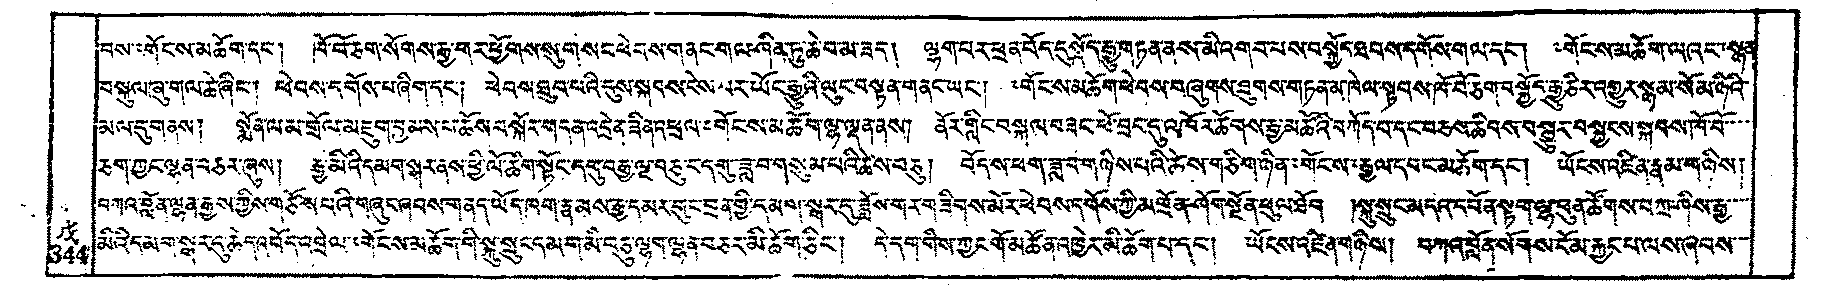བས་༧གོང་ས་མཆོག་དང་། ཁོ་བོ་ཅག་སོགས་རྒྱ་གར་ཕྱོགས་སུ་གསང་ཕེབས་གནང་གལ་ཤིན་ཏུ་ཆེ་བ་མ་ཟད། ལྷག་པར་ཕྲན་བོད་དུ་སྡོད་རྒྱུ་གཏན་ནས་མི་འགབ་པས་བསྐྱོད་ཐབས་དགོས་གལ་དང་། ༧གོང་ས་མཆོག་ལའང་༧སྙན་
བསྐུལ་ཞུ་གལ་ཆེ་ཞིང་། ཕེབས་དགོས་པ་ཞིག་དང་། ཕེབས་ཐུབ་པའི་དུས་སྐབས་ངེས་པར་ཡོང་རྒྱུའི་ལུང་བསྟན་གནང་ཡང་། ༧གོང་ས་མཆོག་ཕེབས་བཞུགས་ཐུགས་གཏན་མ་ཁེལ་སྟབས་ཁོ་བོ་ཅག་བསྐྱོད་རྒྱུ་ཅིར་འགྱུར་སྙམ་སོམ་ཉིའི་
མལ་དུ་གནས། སྨོན་ལམ་གྲོལ་མཇུག་བྱམས་པ་ཆོས་བསྐོར་གདན་འདྲེན་ཟིན་འཕྲལ་༧གོང་ས་མཆོག་ལྷ་ལྡན་ནས། ནོར་གླིང་བསྐལ་བཟང་ཕོ་བྲང་དུ་འཁོར་ཚོགས་རྒྱ་མཚོའི་བཀོད་པ་དང་བཅས་ཆིབས་བསྒྱུར་བསྐྱངས་སྐབས་ཁོ་བོ་
ཅག་ཀྱང་ལྷན་བཅར་ཞུས། རྒྱ་མིའི་དམག་སྒར་ནས་ཕྱི་ལོ་ཆིག་སྟོང་དགུ་བརྒྱ་ལྔ་བཅུ་ང་དགུ་ཟླ་བ་གསུམ་པའི་ཚེས་བཅུ། བོད་ས་ཕག་ཟླ་བ་གཉིས་པའི་ཚེས་གཅིག་ཉིན་༧གོང་ས་༧རྒྱལ་དབང་མཆོག་དང་། ཡོངས་འཛིན་རྣམ་གཉིས།
བཀའ་བློན་ལྷན་རྒྱས་ཀྱིས་གཙོས་པའི་གཞུང་ཞབས་གནད་ཡོད་ཁག་རྣམས་རྒྱ་དམར་གུང་བྲན་གྱི་དམག་སྒར་དུ་ཟློས་གར་གཟིགས་མོར་ཕེབས་དགོས་ཀྱི་མགྲོན་ཤོག་སྔོན་ཕུལ་ཐོག །སྐུ་སྲུང་མདའ་དཔོན་སྟག་ལྷ་ཕུན་ཚོགས་བཀྲ་ཤིས་རྒྱ་
མིའི་དམག་སྒར་དུ་ཆེད་འབོད་འབྲེལ་༧གོང་ས་མཆོག་གི་སྐུ་སྲུང་དམག་མི་བཅུ་ལྷག་ལྷན་བཅར་མི་ཆོག་ཅིང་། དེ་དག་གིས་ཀྱང་གོ་མཚོན་འཁྱེར་མི་ཆོག་པ་དང་། ཡོངས་འཛིན་གཉིས། བཀའ་བློན་སོགས་ངོ་མ་རྐྱང་པ་ལས་ཞབས་